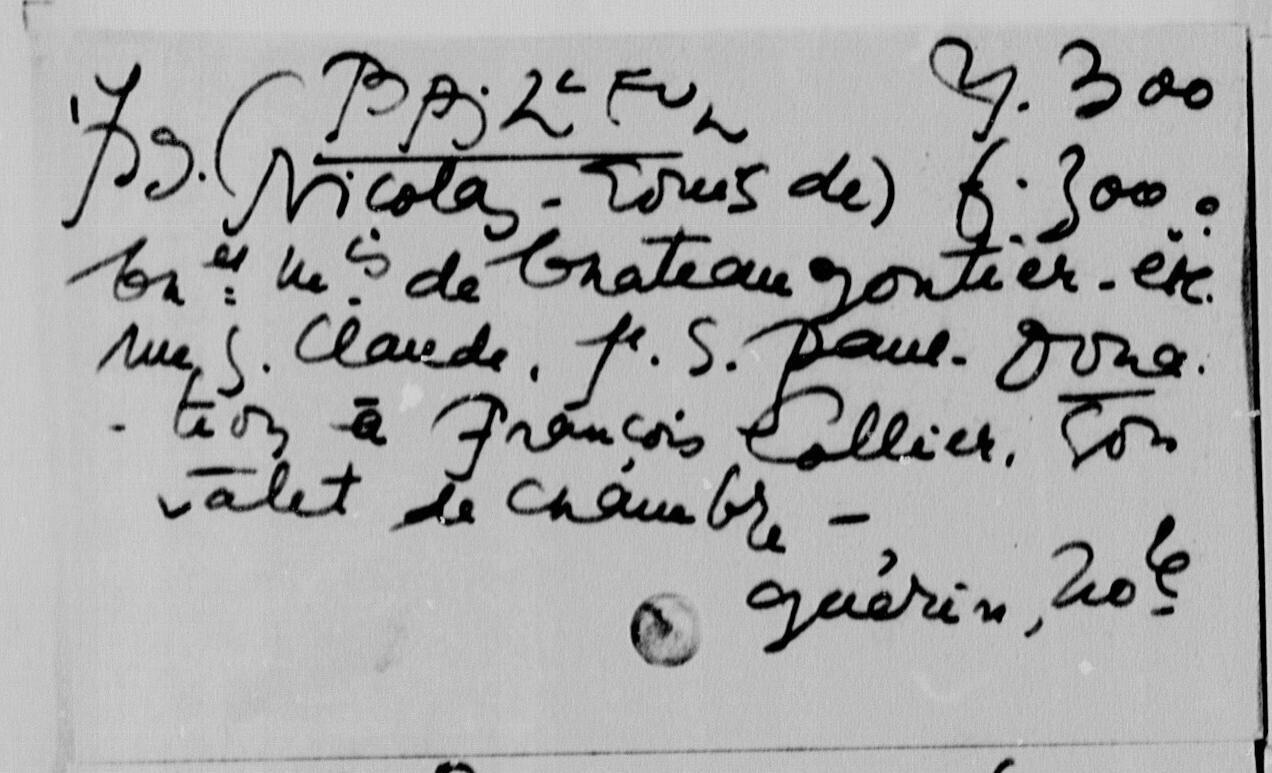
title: BAILLEUL (Nicolas-Louis de)
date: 1719
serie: Y
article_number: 300
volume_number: folio 300v
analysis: Chevalier marquis de Château-Gontier-etc., rue Saint-Claude, paroisse Saint-Paul Donation à François Collier, son valet de chambre Guérin, notaire
